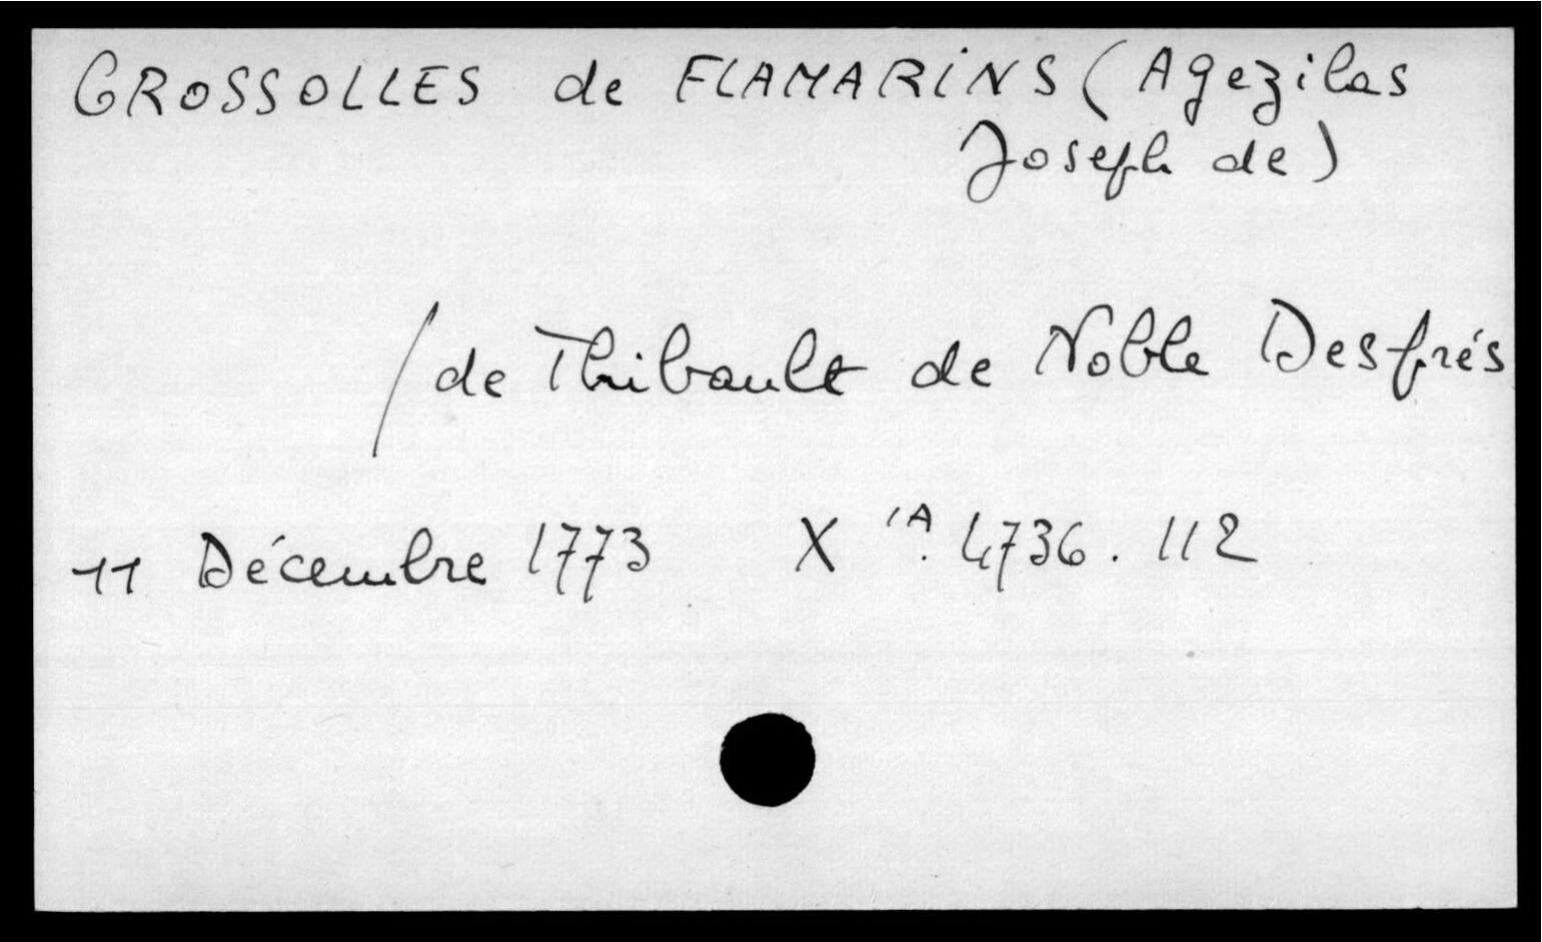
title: GROSSOLLES de FLAMARINS (Agezilas Joseph de)
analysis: Contre de Thibault de Noble Després
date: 11 décembre 1773
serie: X1A
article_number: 4736
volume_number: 112
